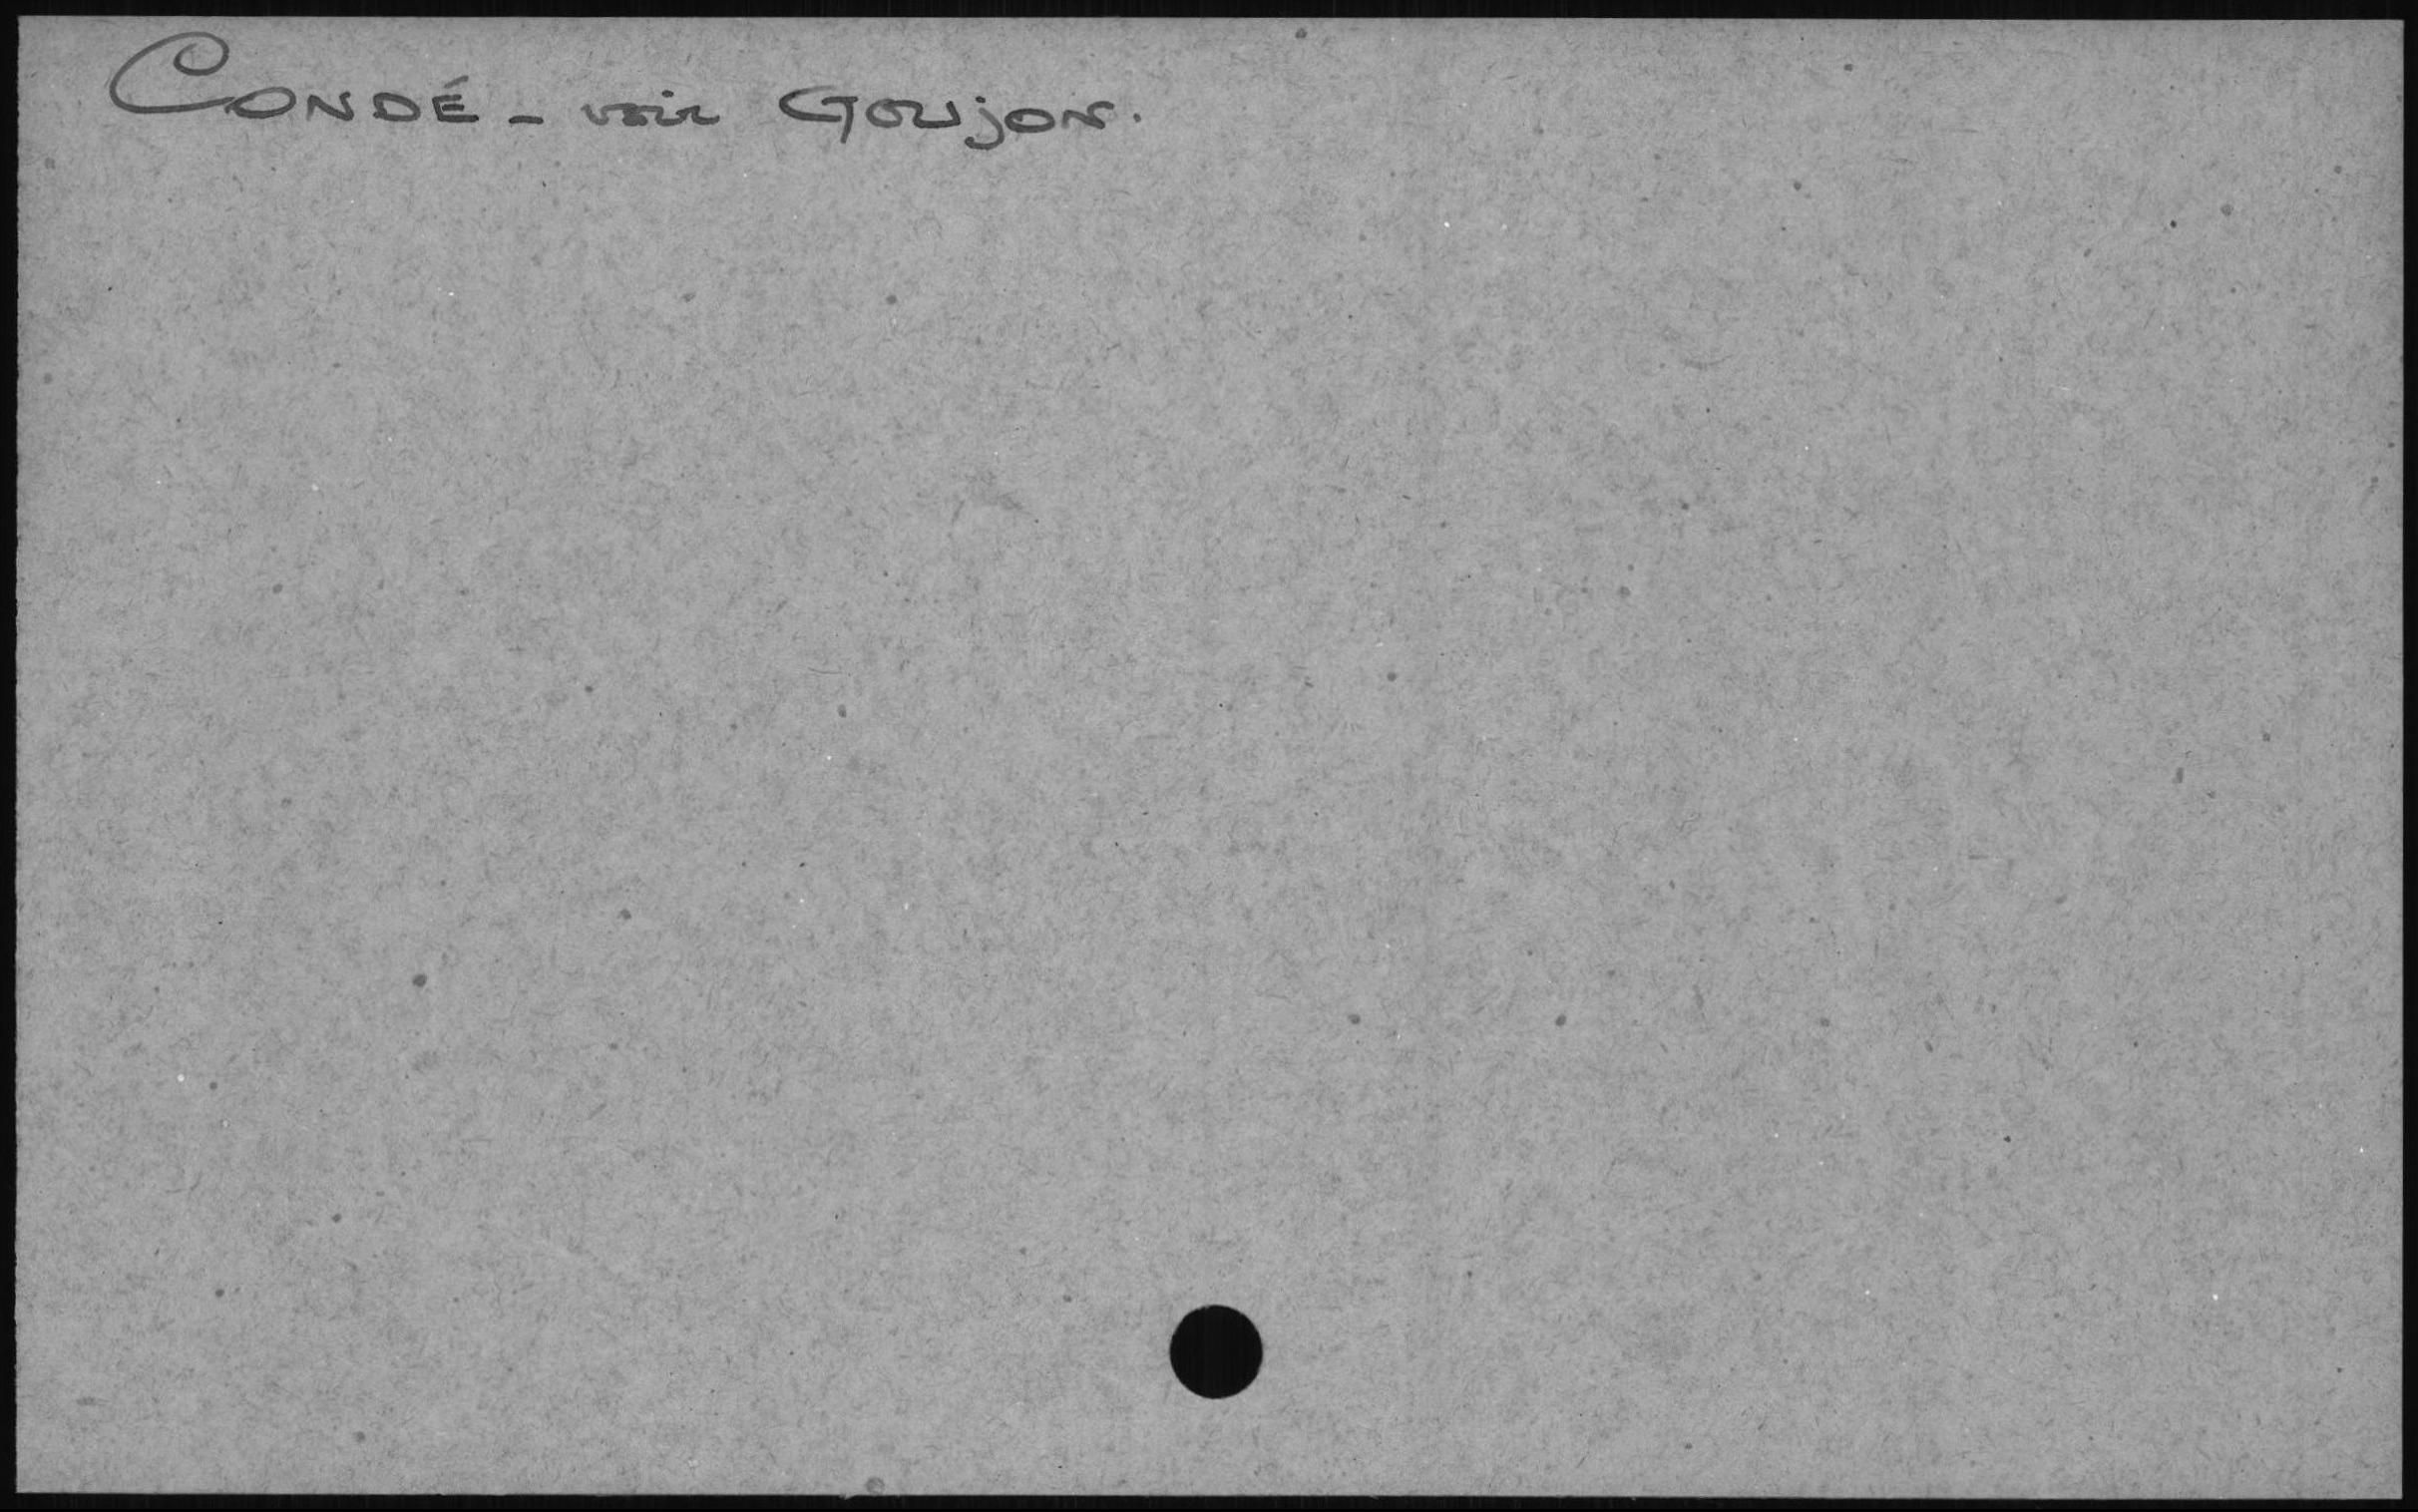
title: CONDÉ - voir : GOUJON.
